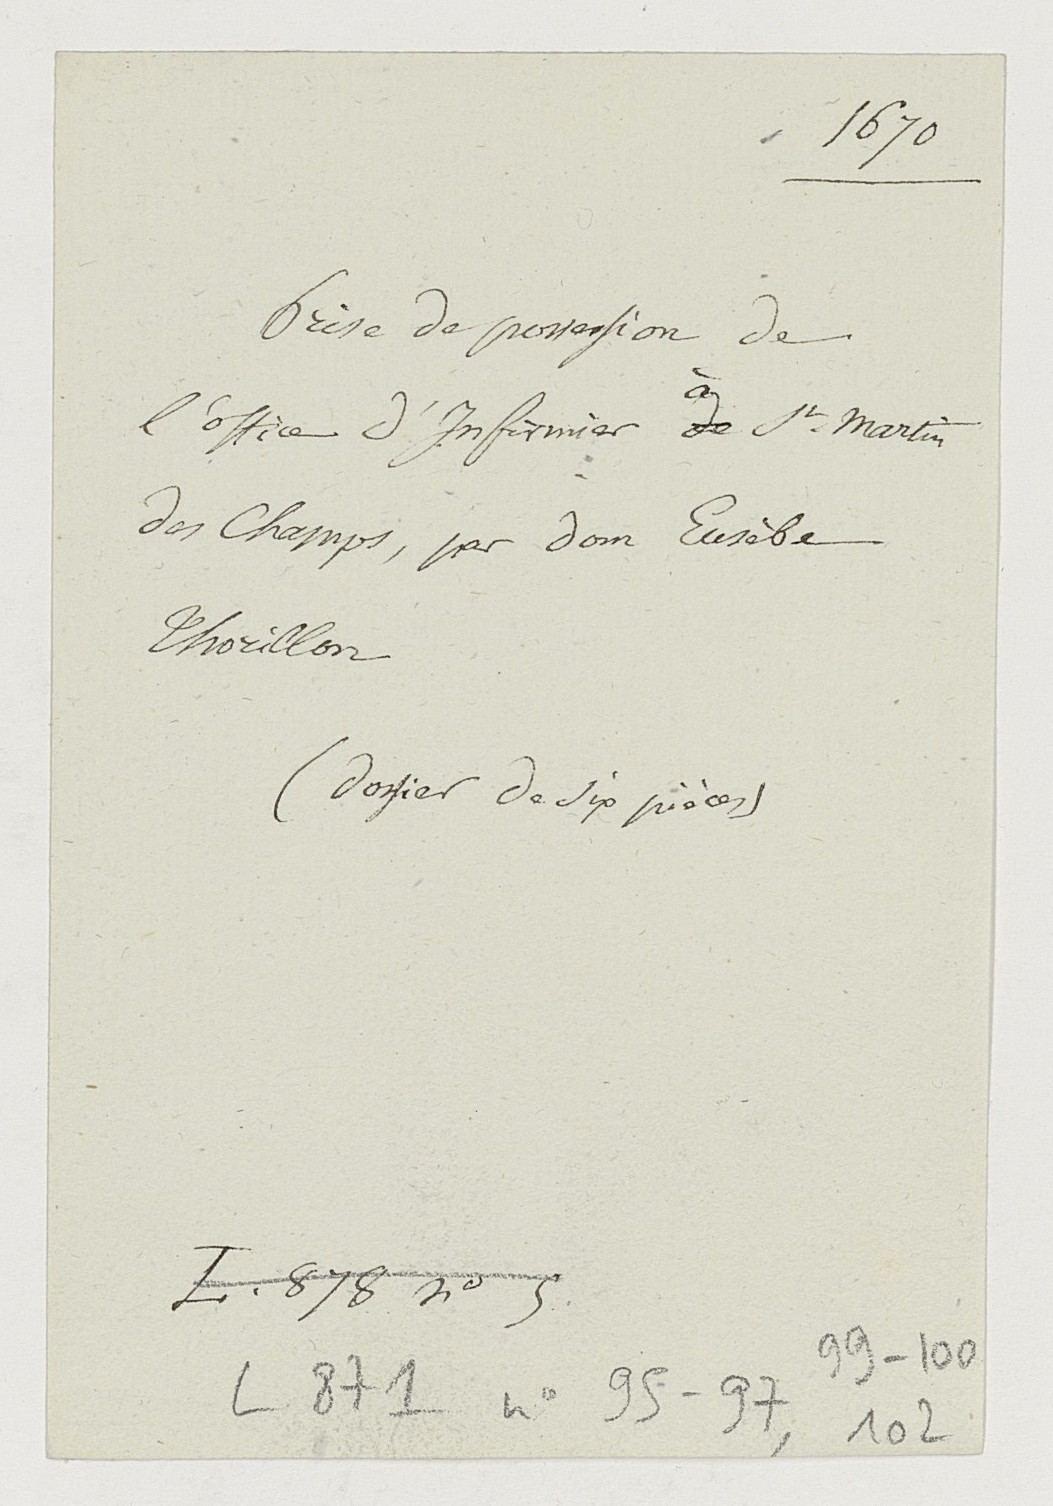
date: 1670
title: Prise de possession de l'office d'Infirmier à Saint-Martin des Champs, par dom Eusèbe Thorillon
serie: L
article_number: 871
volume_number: n° 95-97, 99-100, 102
